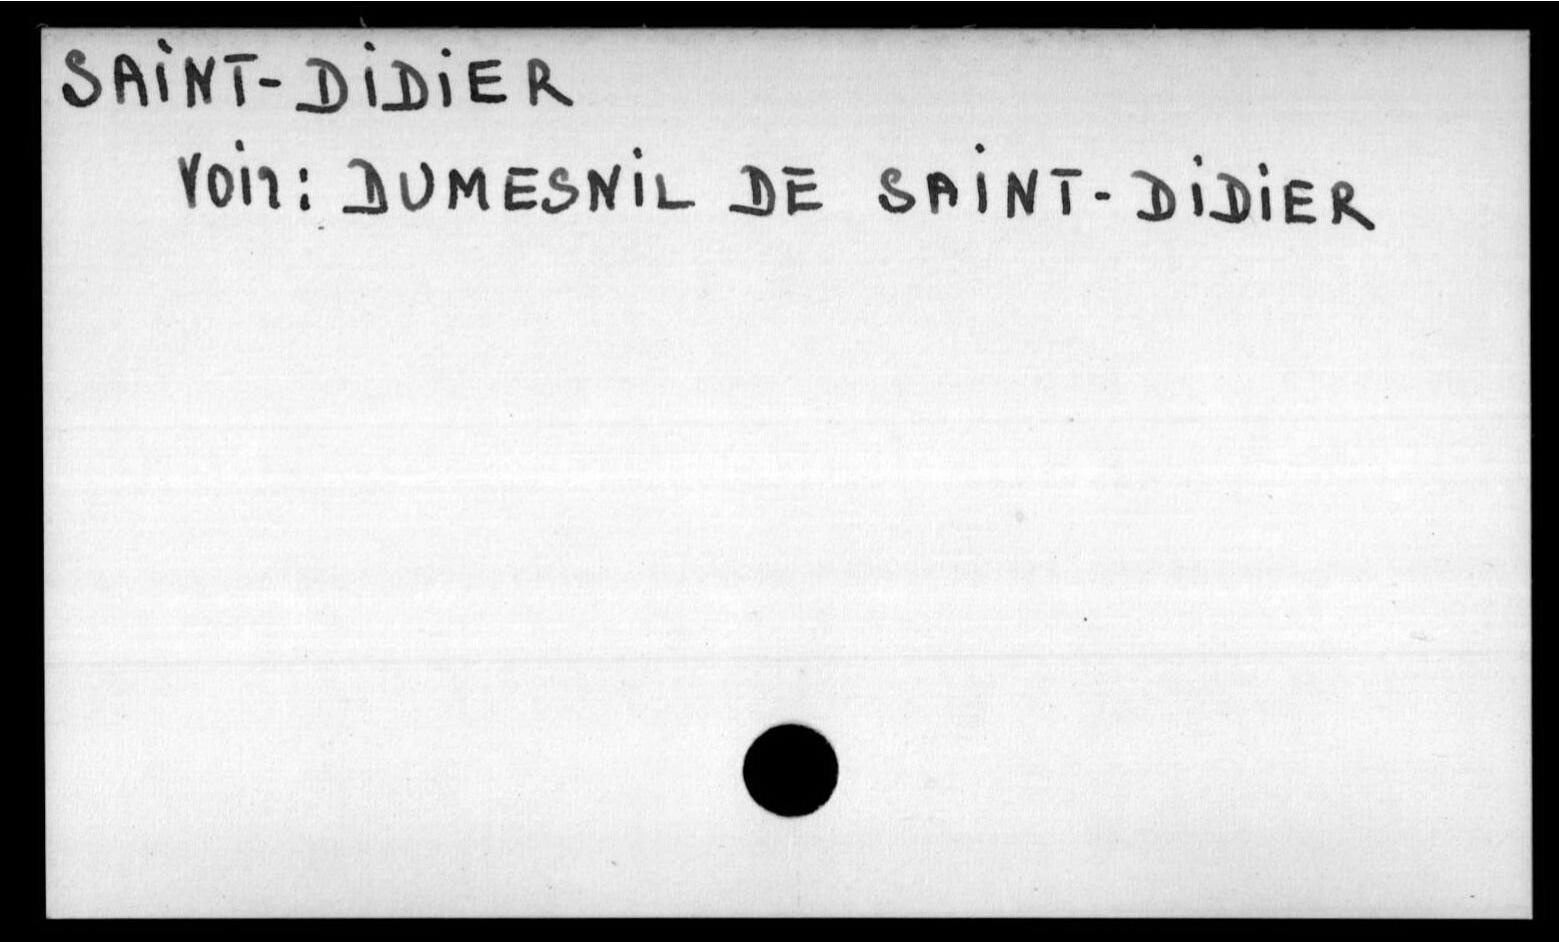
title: SAINT-DIDIER
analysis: Voir : DUMESNIL DE SAINT-DIDIER
